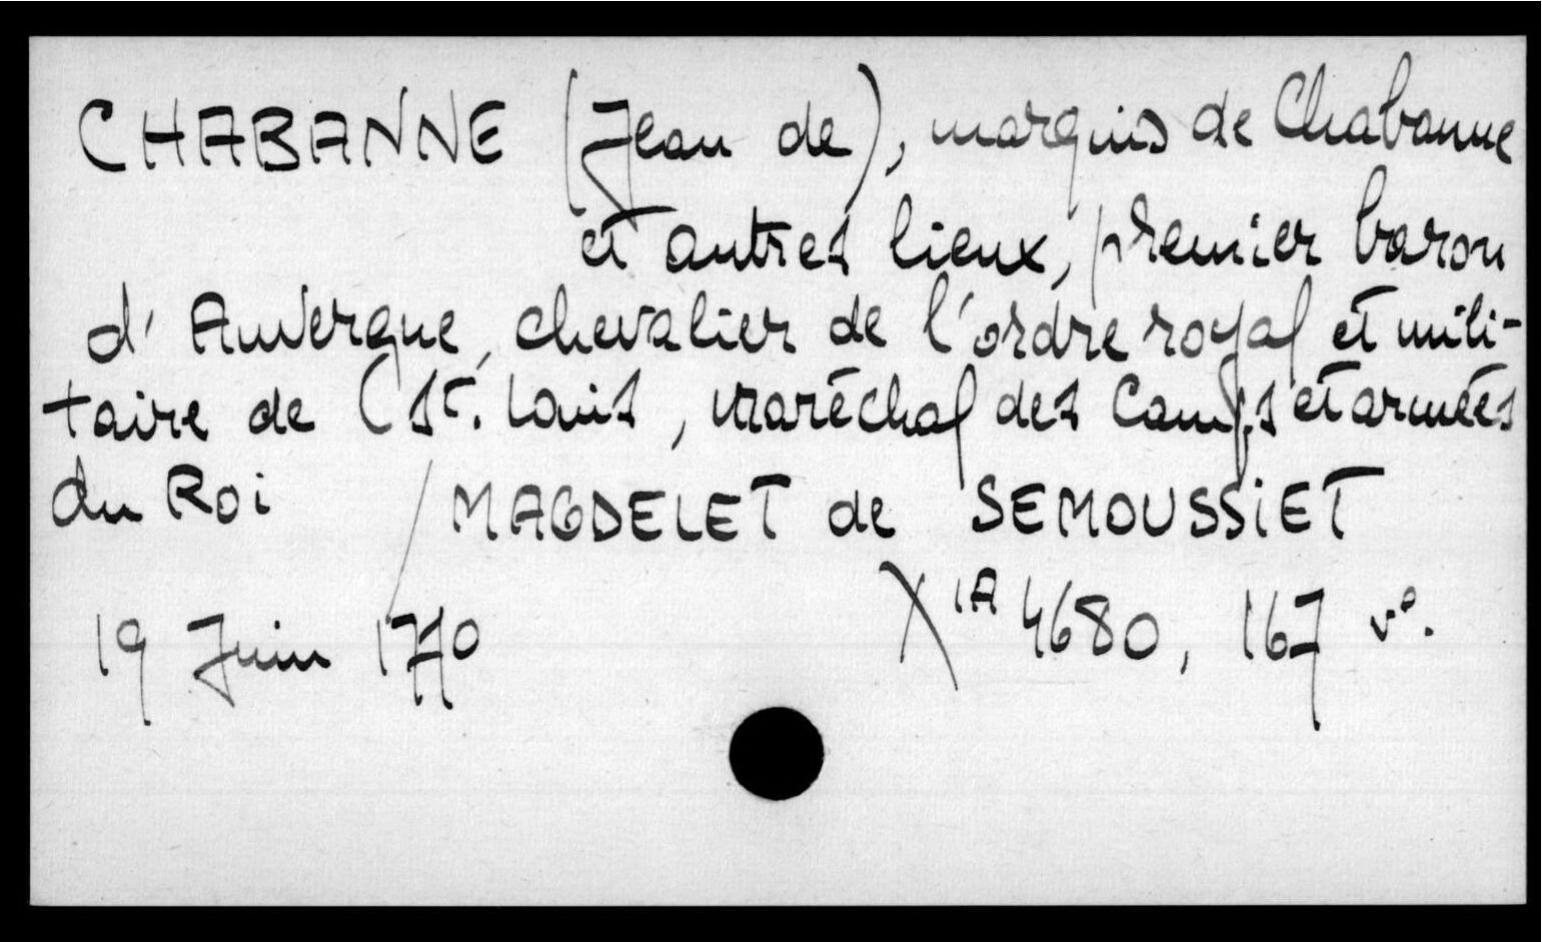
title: CHABANNE (Jean de), marquis de Chabanne et autres lieux, premier baron d'Auvergne, chevalier de l'ordre royal et militaire de Saint-Louis, maréchal des camps et armées du Roi
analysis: Contre MAGDELET de SEMOUSSIET
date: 19 juin 1770
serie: X1A
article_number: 4680
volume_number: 167v°
